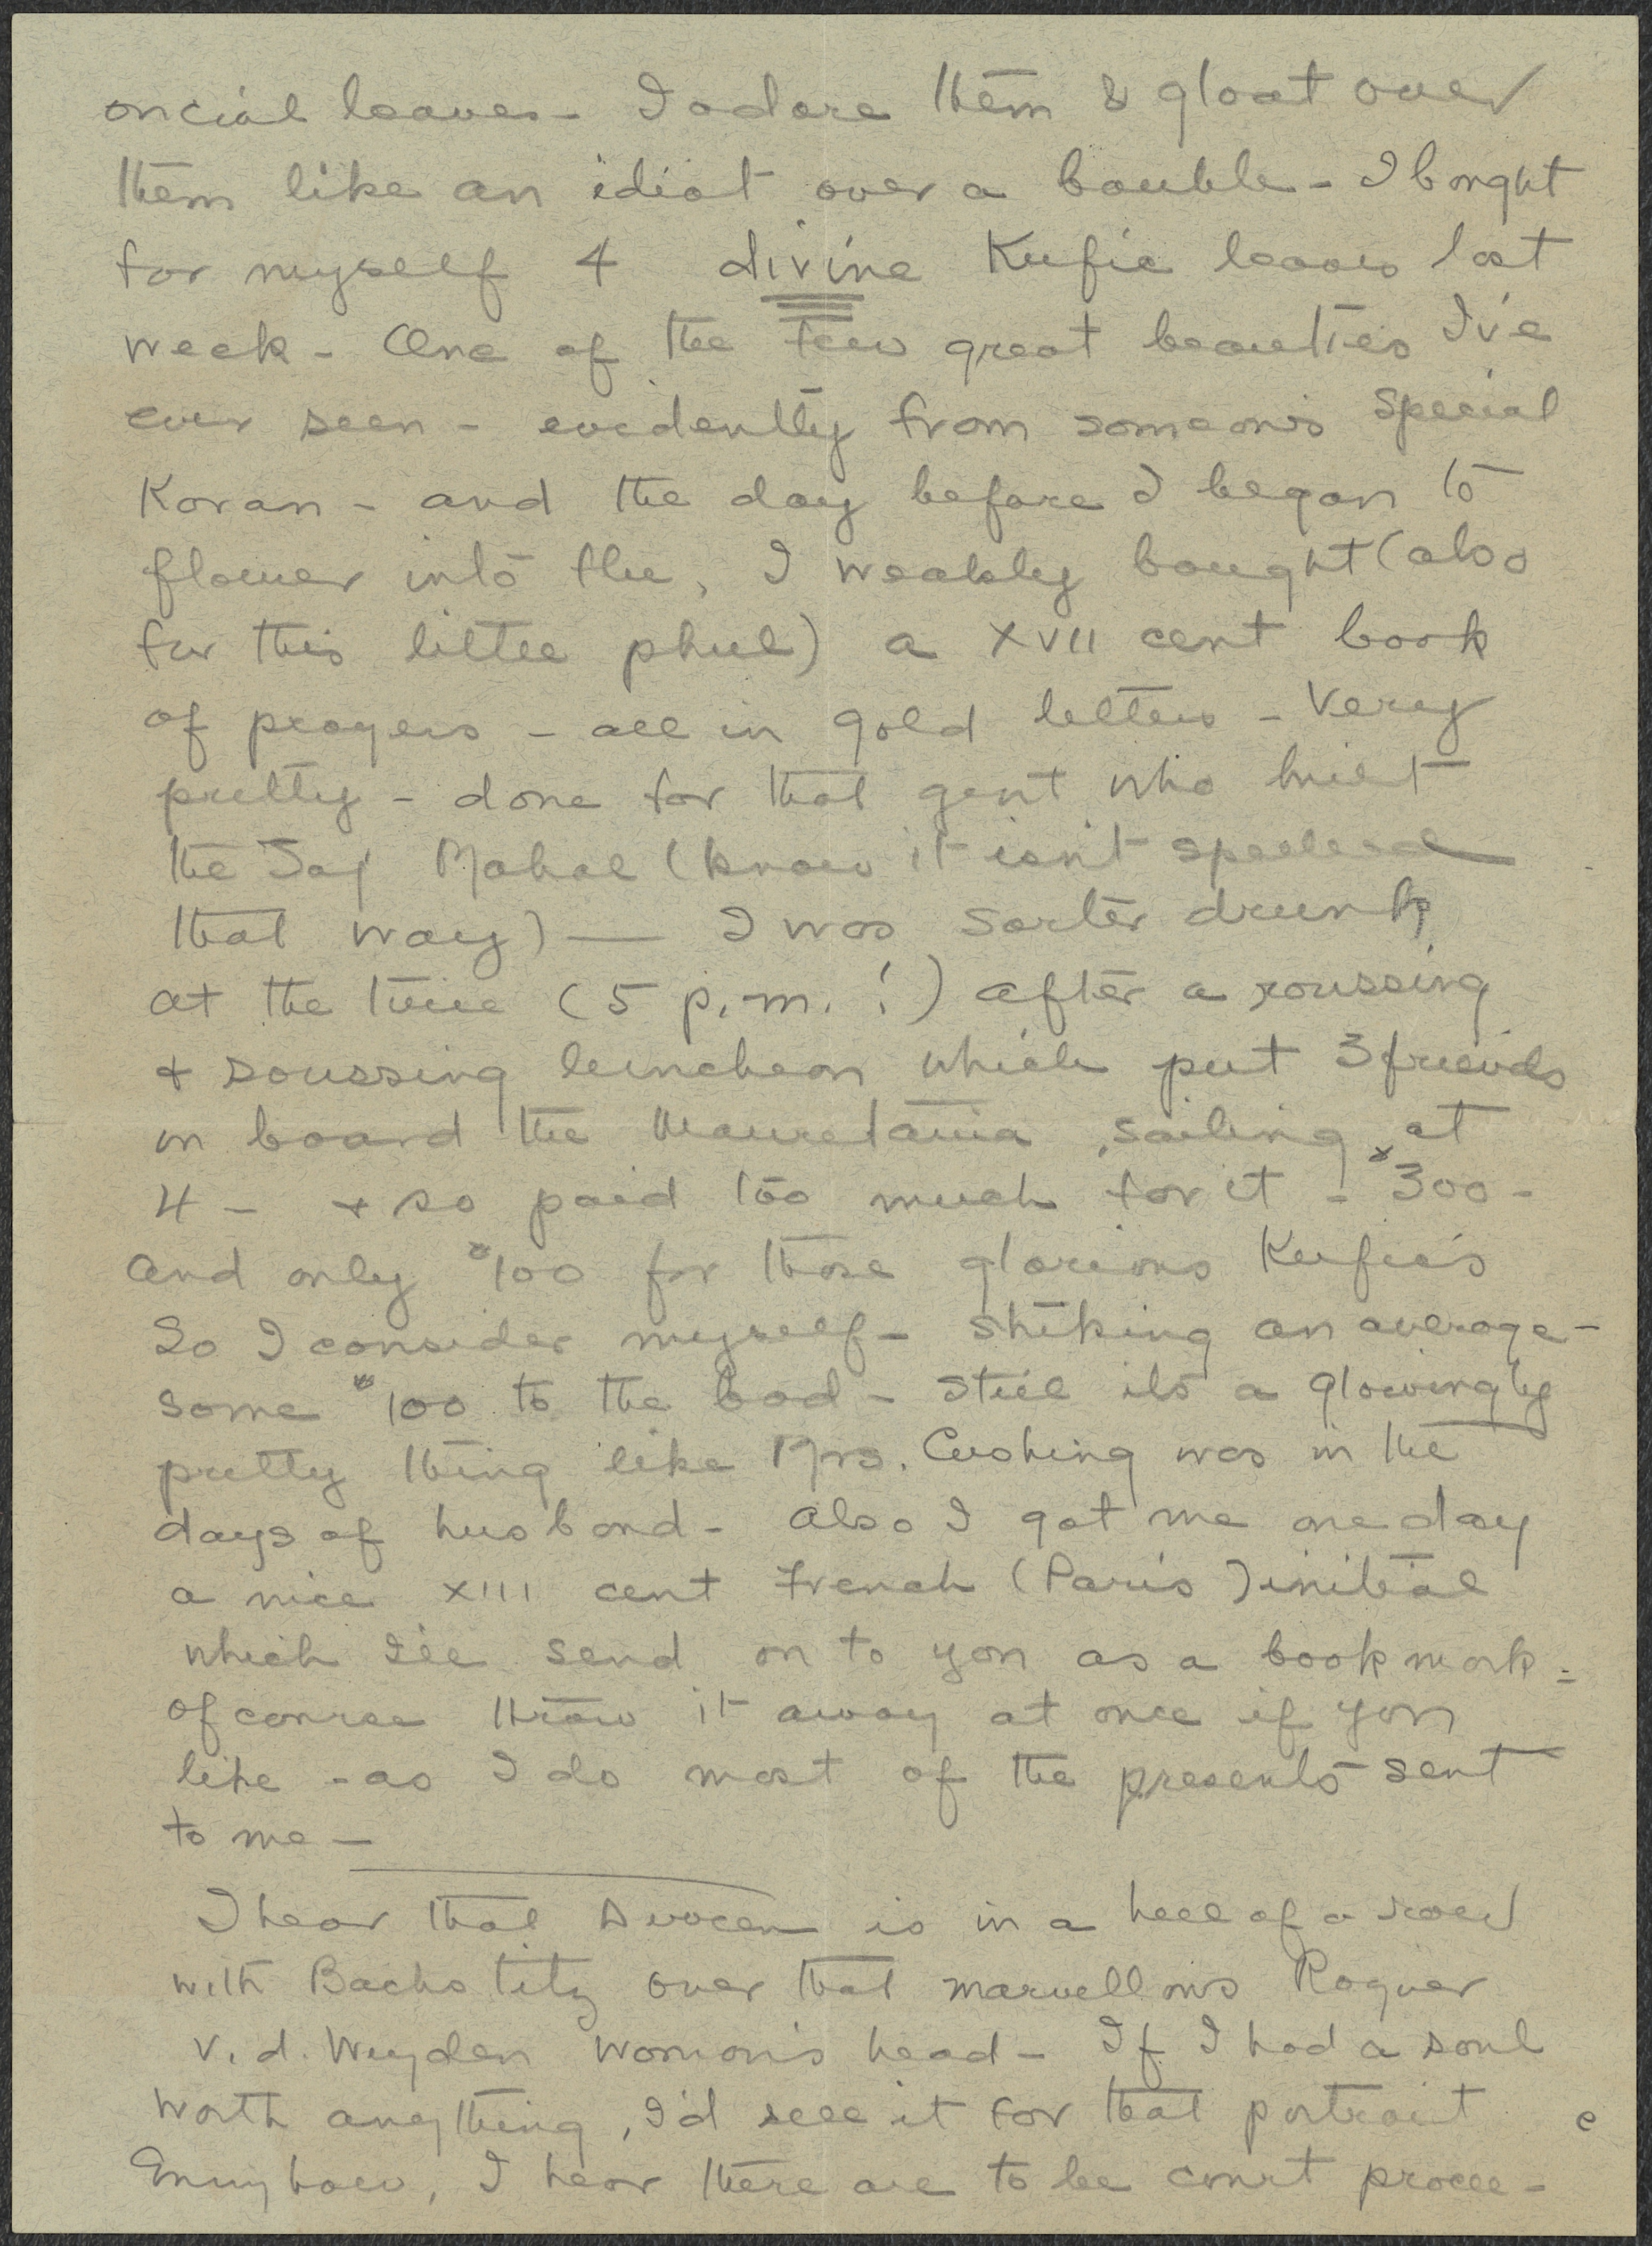oncial [sic] leaves - I adore them & gloat over them like an idiot over a bauble – I bought for myself 4 [tripe underlined: divine] Kufic leaves last week – One of the few great beauties I’ve ever seen – evidently from someone’s special Koran – and the day before I began to flower into flu, I weakly bought (also for this little phul) a XVII cent book of prayers – all in gold letters – Very pretty – done for that gent who built the Taj Mahal (know it isn’t spelled that way) – I was sorter drunk at the time (5 p.m.!) after a roussing [sic] & soussing luncheon which put 3 friends on board the Mauretania, sailing at 4 – & so paid too much for it – $300 – and only $100 for those glorious Kufics
So I consider myself – striking an average – some $100 to the bad - Still its a glowingly pretty thing like Mrs. Cushing was in the days of husband – also I got me one day a nice XIII cent French (Paris) initial which I’ll send on to you as a book mark – of course throw it away at once if you like – as I do most of the presents sent to me –
I hear that Duveen is in a hell of a row with Bachstitz over that marvellous Rogier v. d. Weyden woman’s head – If I had a soul worth anything, I’d sell it for that portrait
Ennyhow, I hear there are to be court proceedings